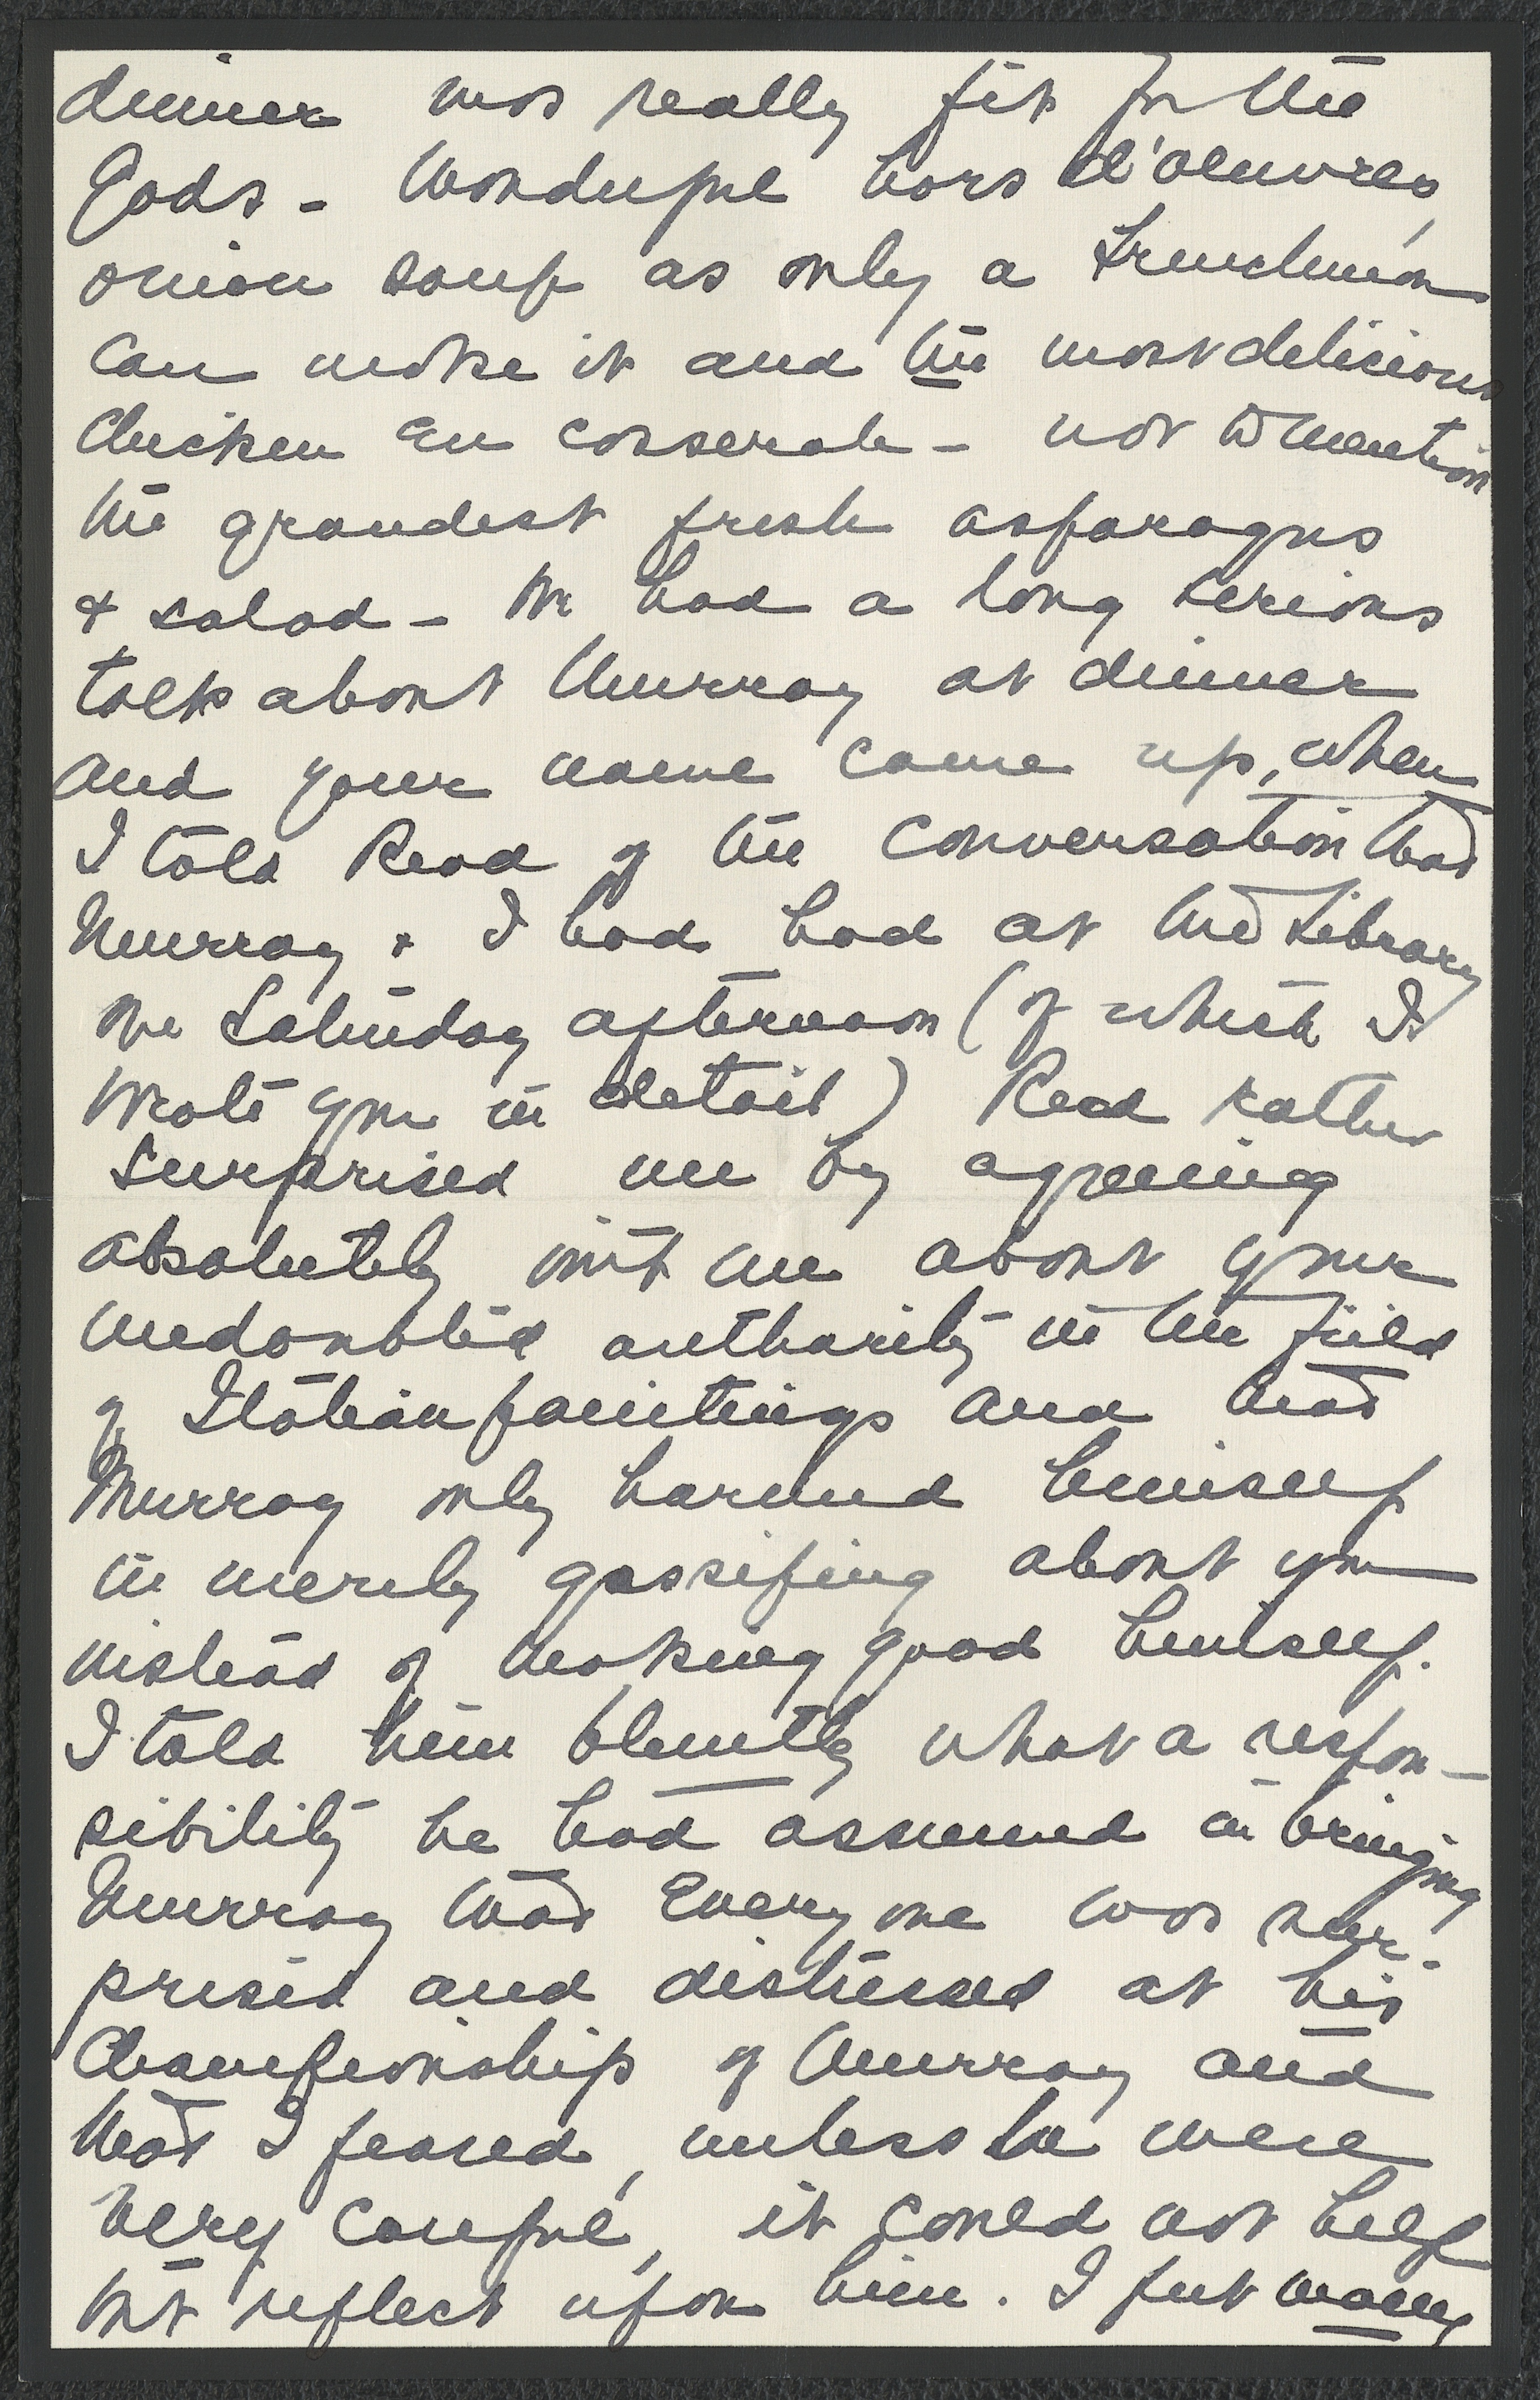dinner was really fit for the gods – wonderful hors d'oeuvres onion soup as only a Frenchman can make it and the most delicious chicken en casserole – not to mention the grandest fresh asparagus & salad – we had a long serious talk about Murray at dinner and your name came up, when I told Read of the conversation that Murray & I had had at the Library one Saturday afternoon (of which I wrote you in detail) Read rather surprised me by agreeing absolutely with me about your undoubted authority in the field of Italian paintings and that Murray only harmed himself in merely gossiping about you instead of making good himself. I told him bluntly what a responsibility he had assumed in bringing Murray that every one was surprised and distressed at his championship of Murray and that I feared, unless he were very careful, it could not help but reflect upon him. I put many